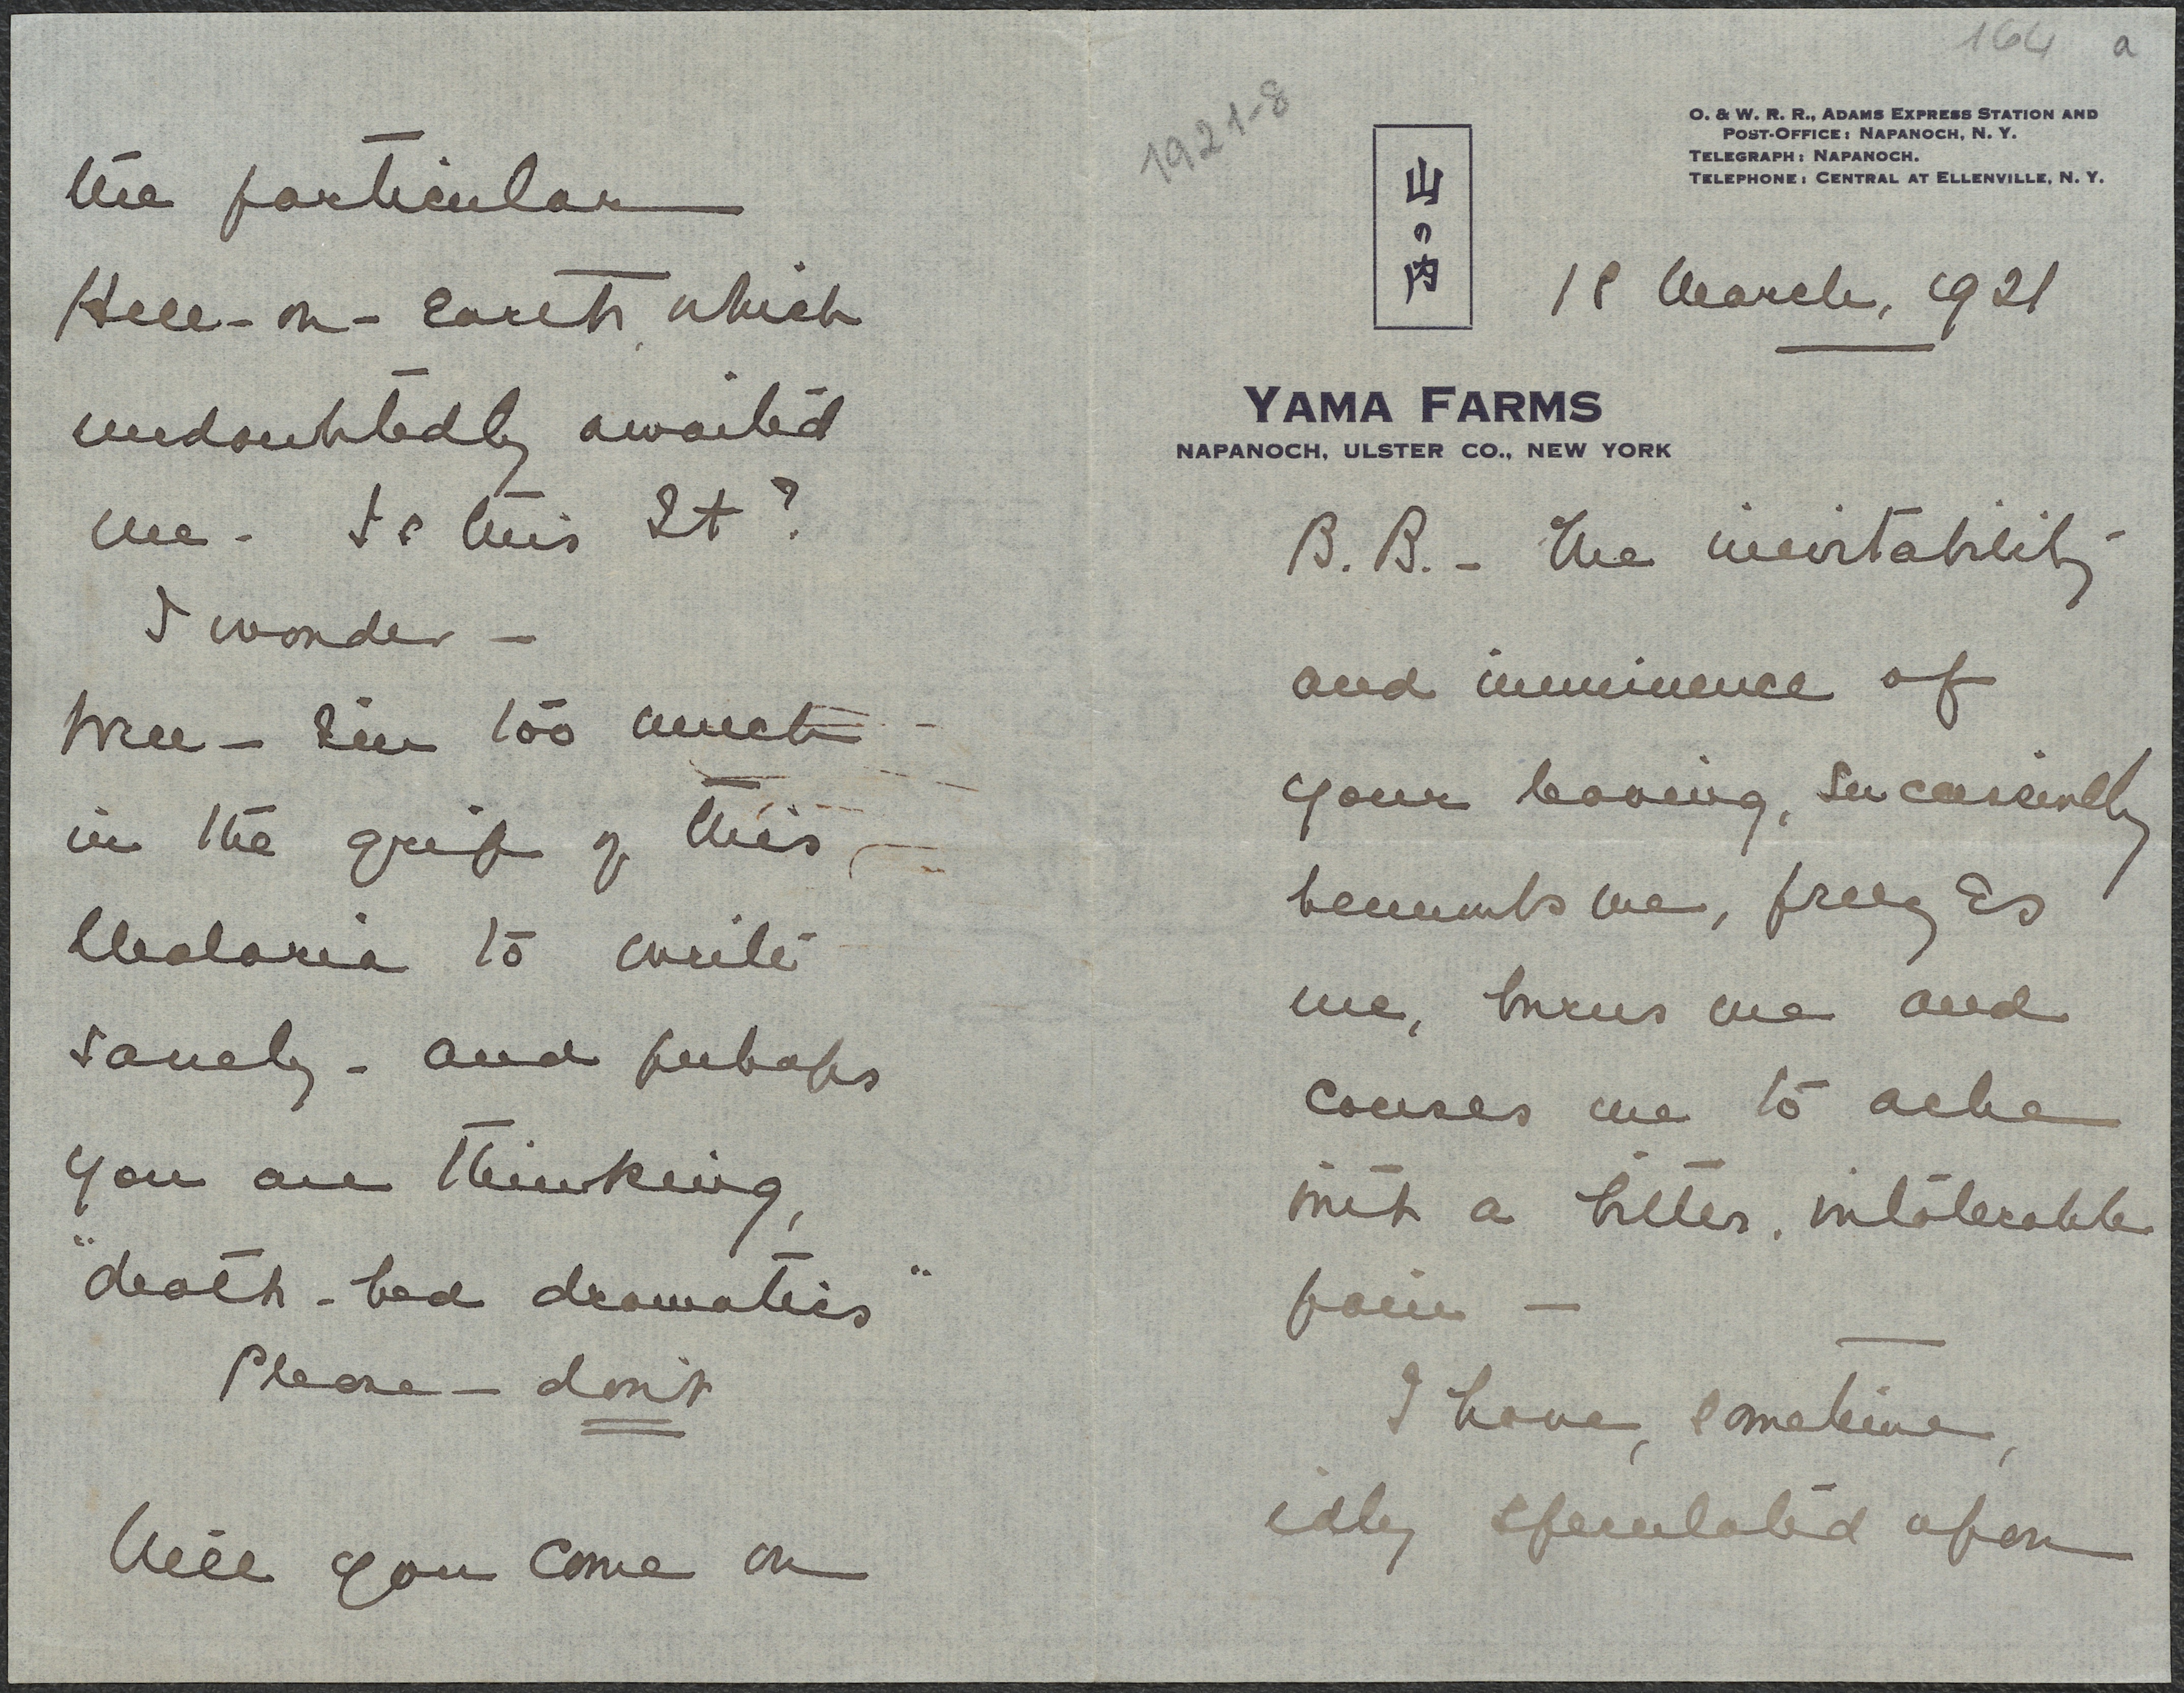18 March, 1921
B.B. – The inevitability and imminence of your leaving, successively benumbs me, freezes me, burns me and causes me to ache with a bitter, intolerable pain –
I have, sometime, idly speculated upon
the particular Hell-on-Earth which undoubtedly awaited me – Is this It? I wonder –
Well – I'm too much in the grip of this malaria to write sanely – and perhaps you are thinking, "death-bed dramatics"
Please – [double underlined: don't]
Will you come on